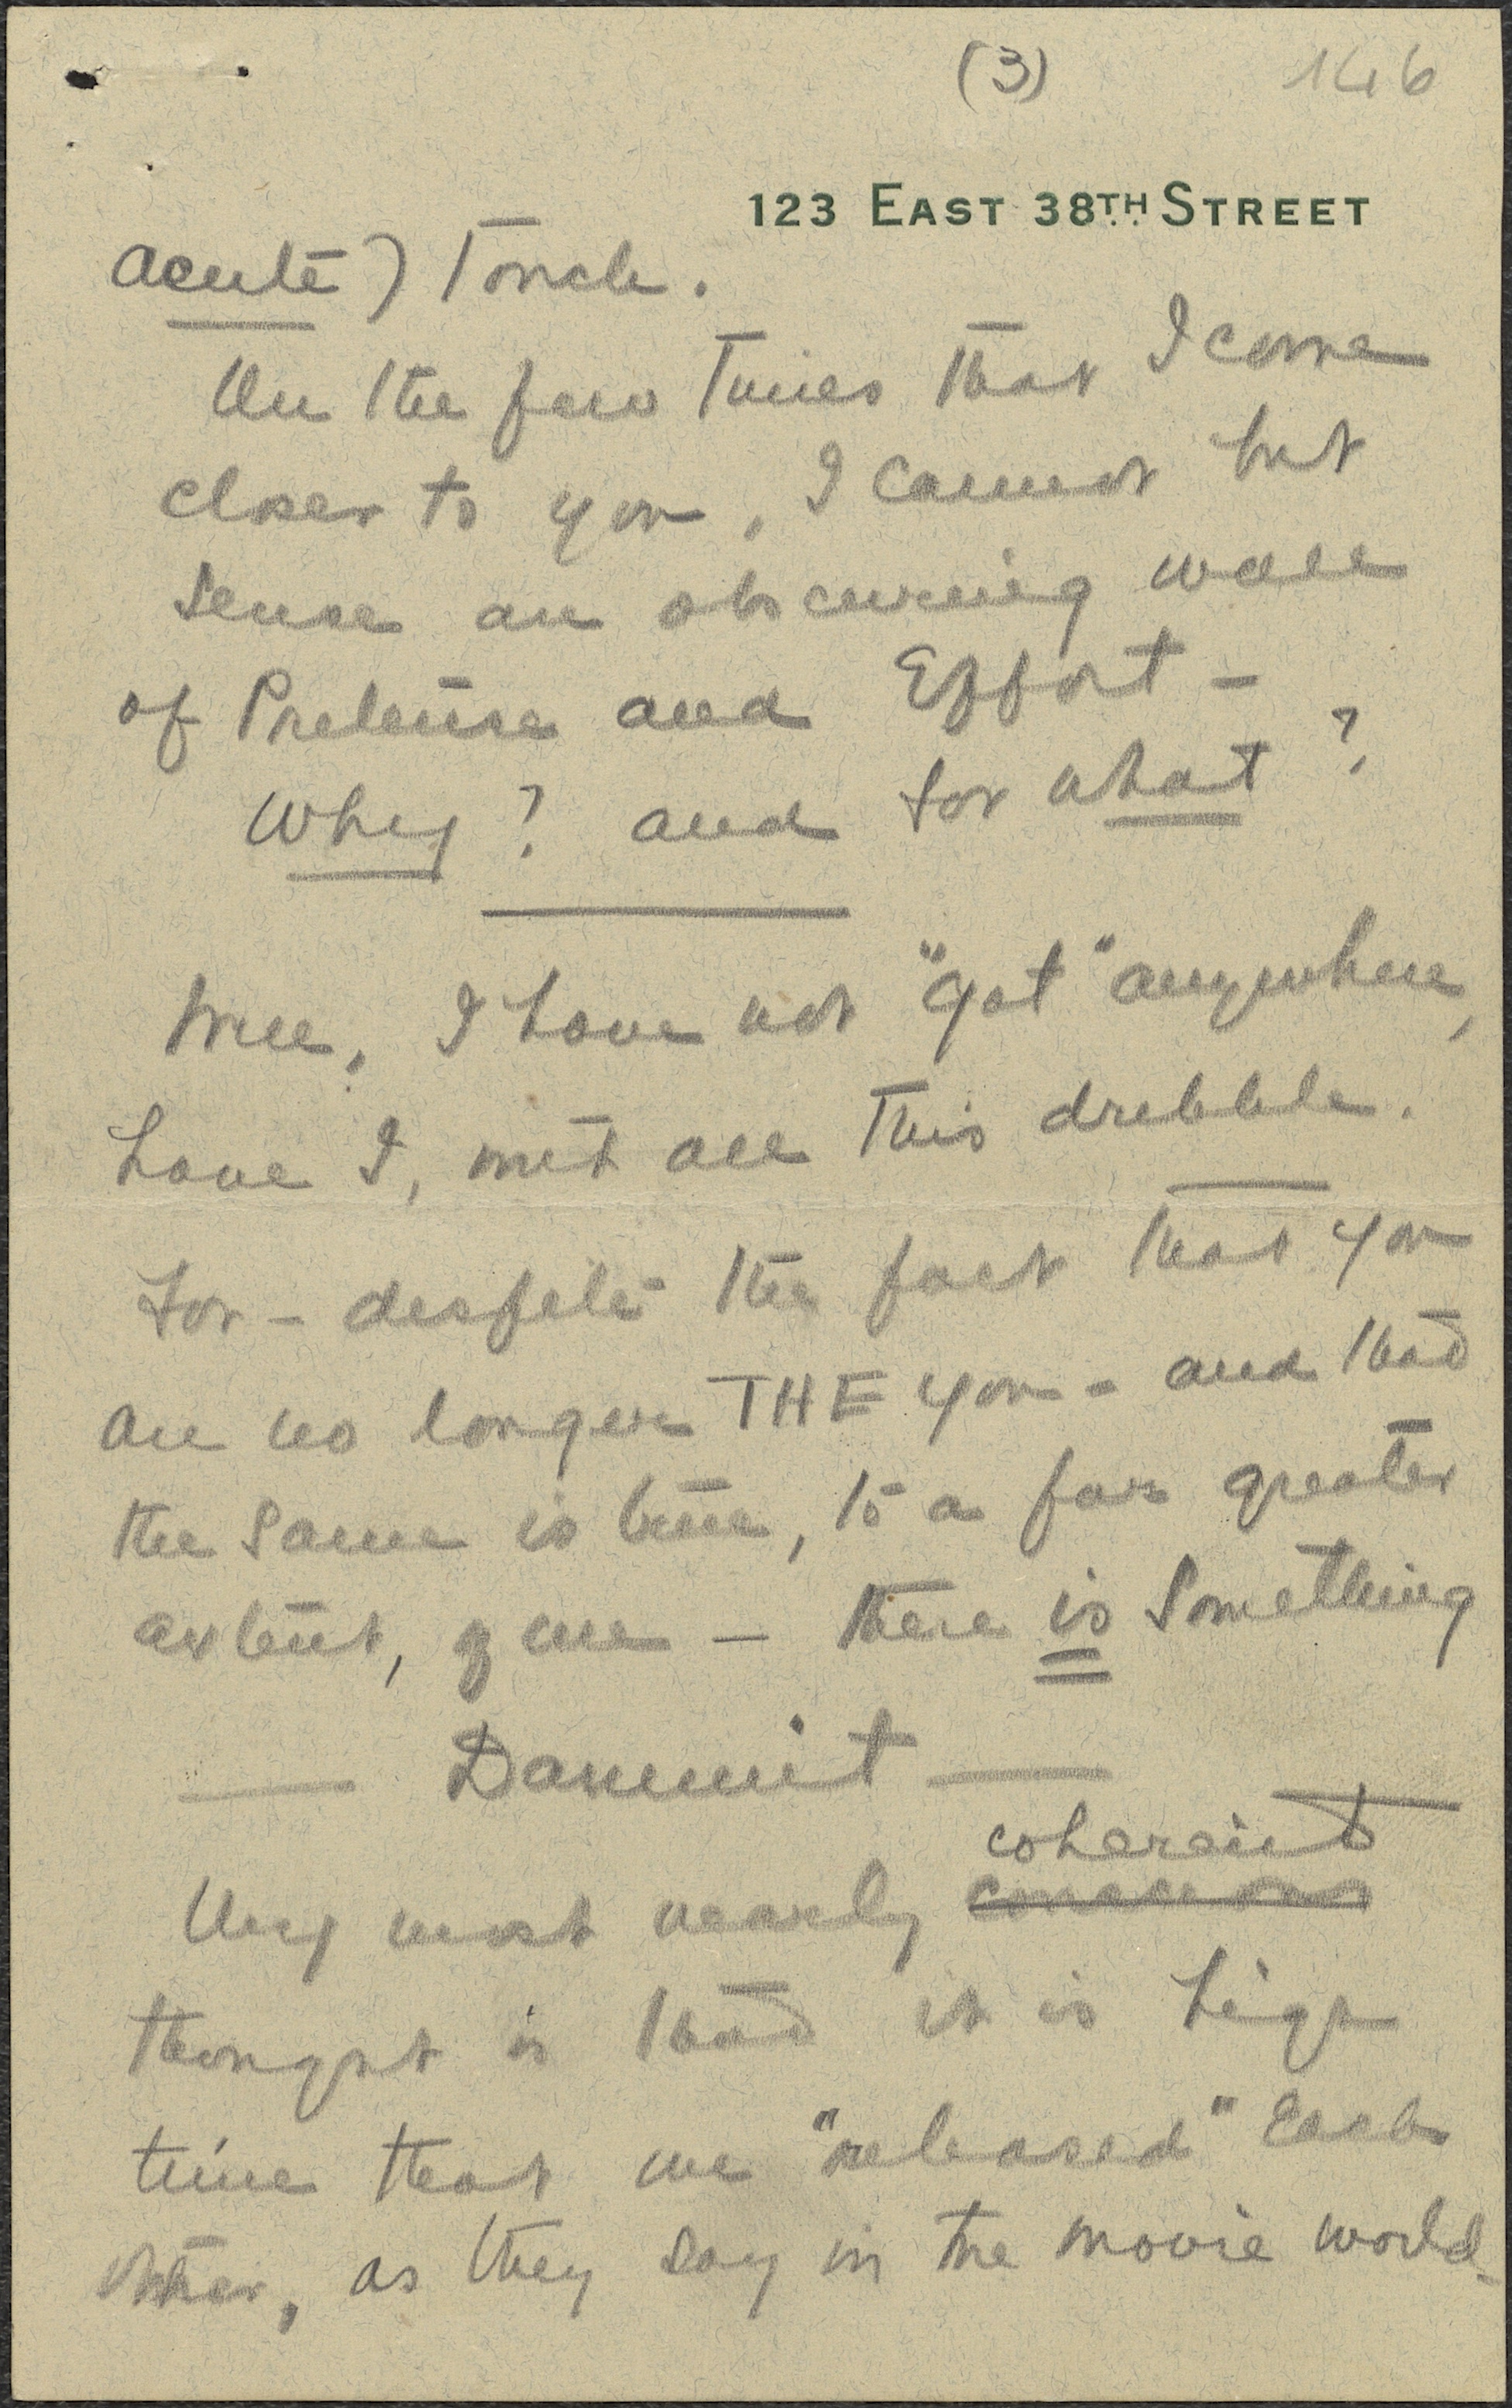acute) touch.
On the few times that I come closer to you, I cannot but sense an obscuring wall of Pretense and Effort –
Why? and for what?
Well, I have not "got" anywhere, have I, with all this dribble.
For – despite the fact that you are no longer THE You – and that the same is true, to a far greater extent, of me – there [double underlined: is] Something
– Dammit –
My most nearly conscious [^coherent^] thought is that it is high time that we "released" each other, as they say in the movie world –